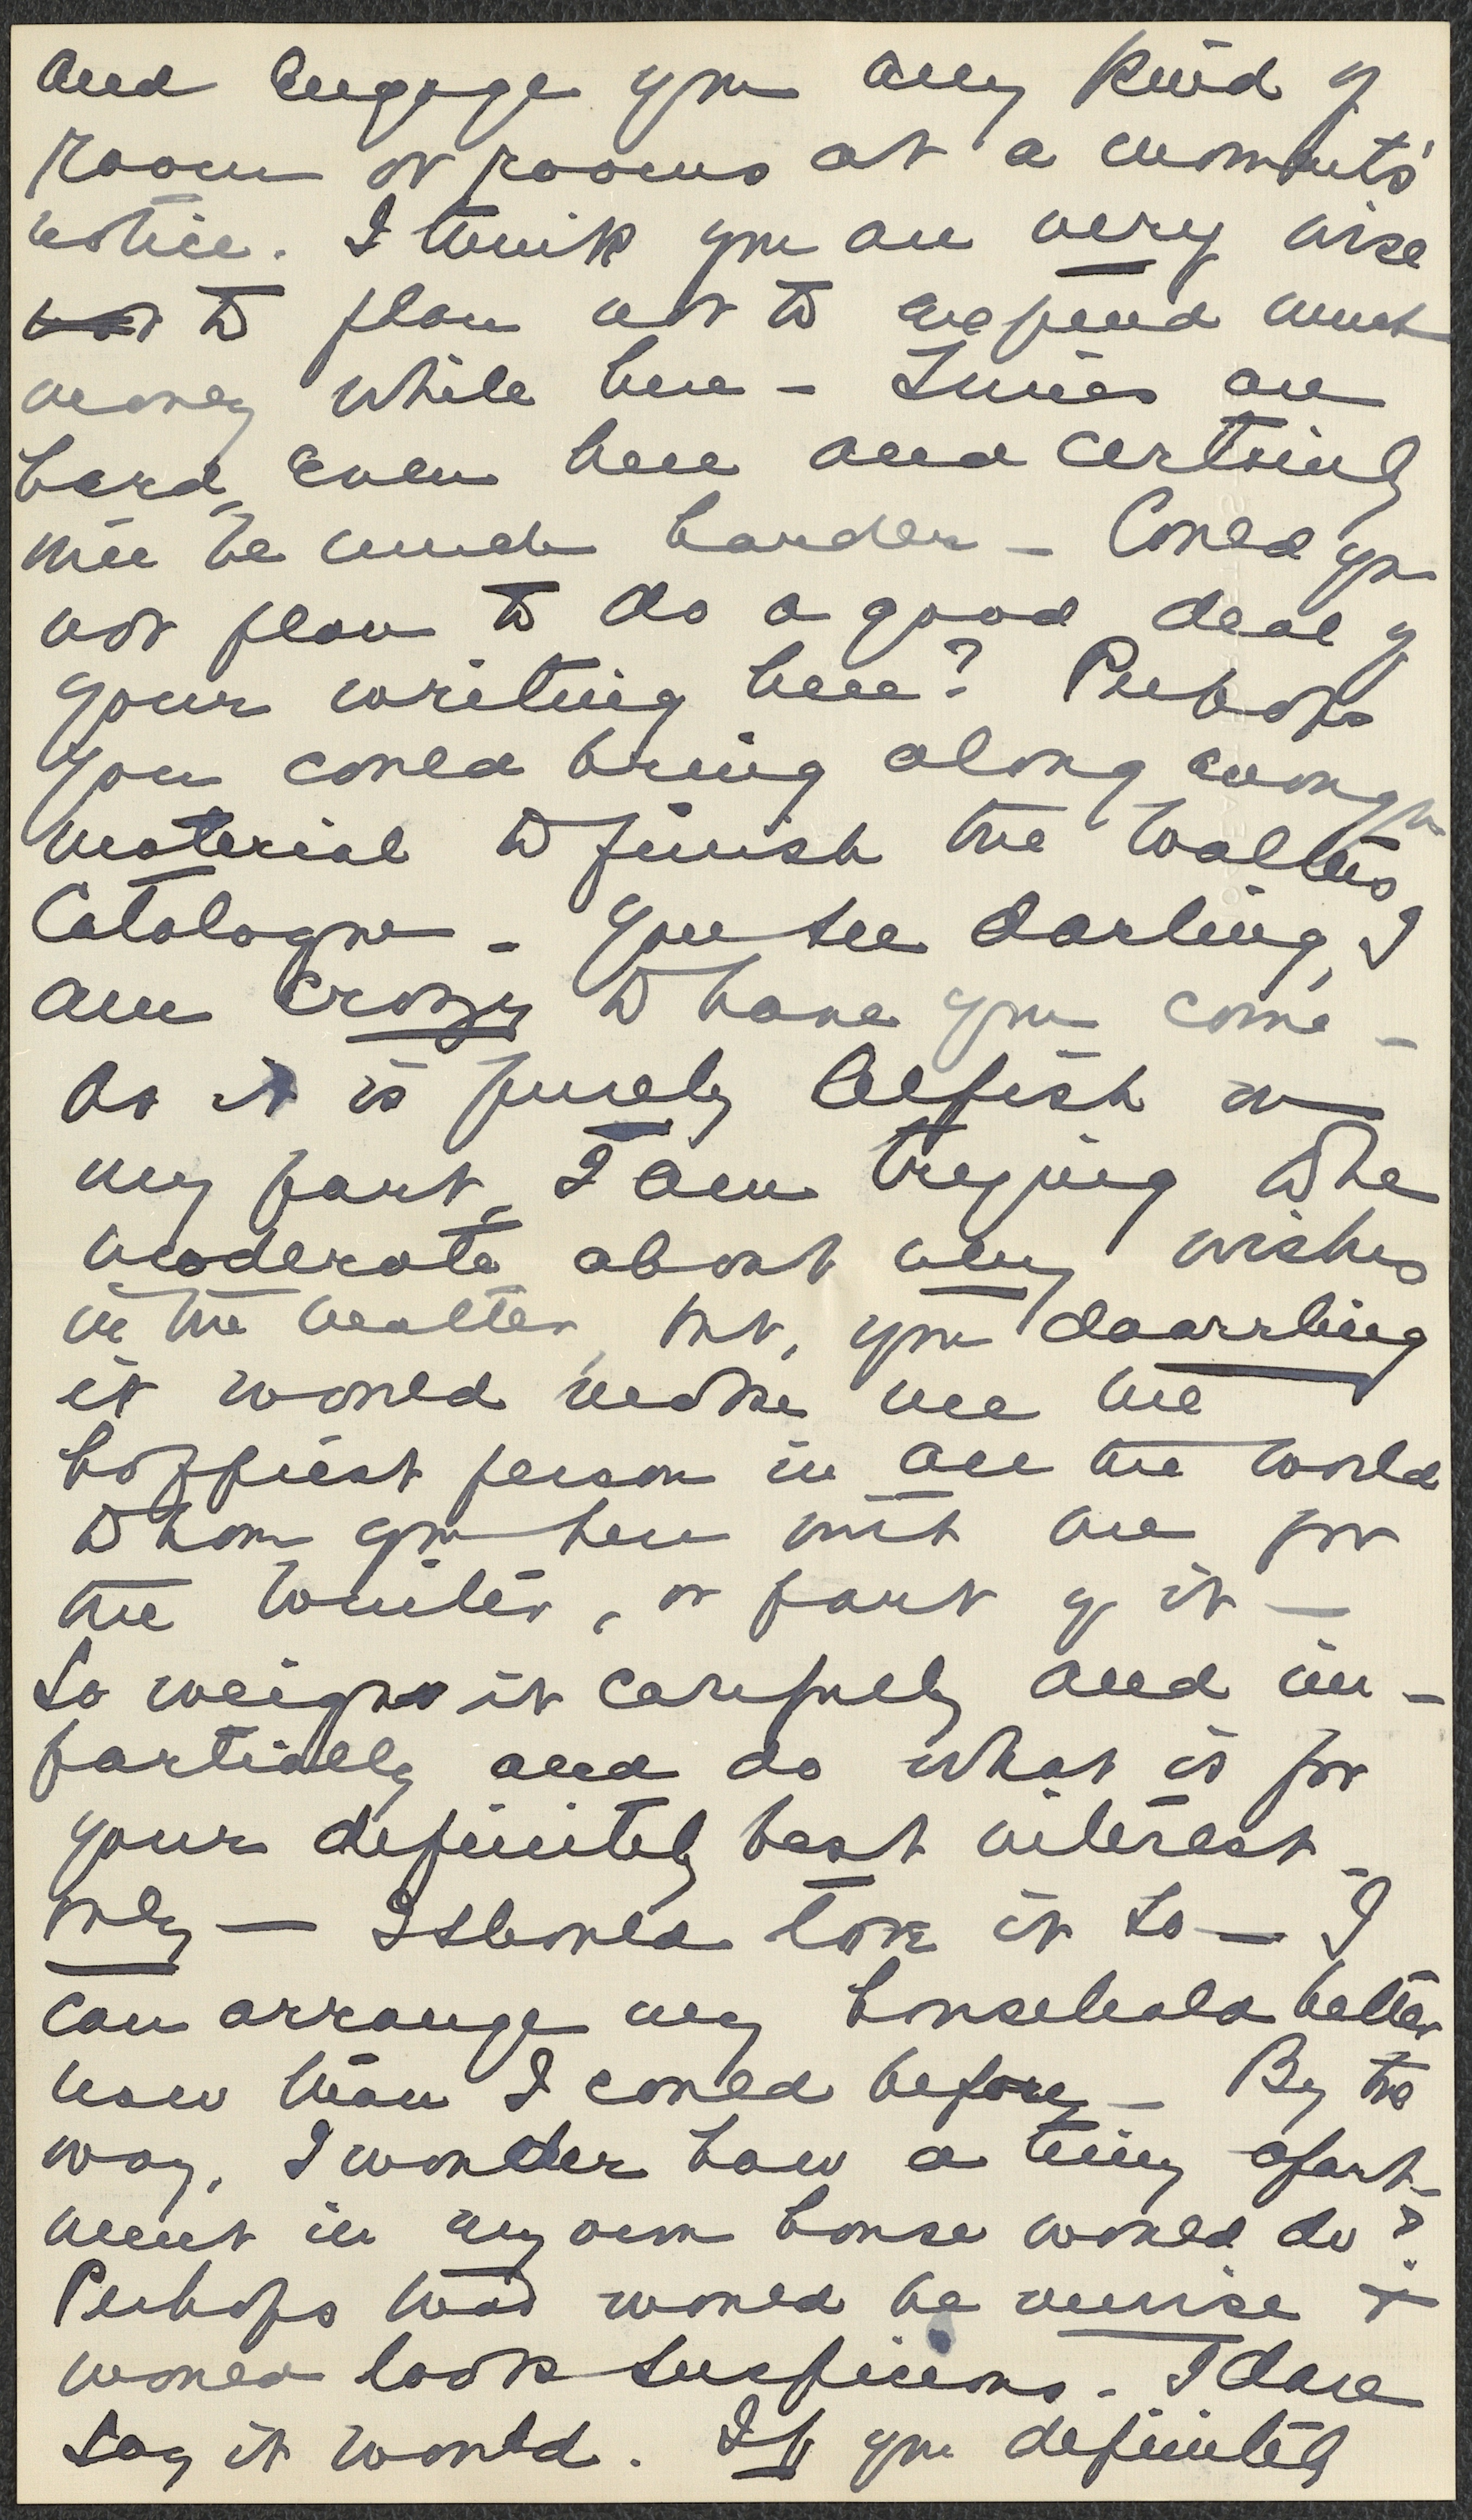and engage you any kind of room or rooms at a moment’s notice. I think you are very wise not to plan not to expend much money while here – Times are hard even here and certainly will be much harder – Could you not plan to do a good deal of your writing here? Perhaps you could bring along enough material to finish the Walters Catalogue – You see darling, I am crazy to have you come – As it is purely selfish on my part, I am trying to be moderate about my wishes on the matter, but, you daarrling, it would make me the happiest person in all the world to have you here with me for the winter, or part of it – So weigh it carefully and impartially and do what is for your definitely best interest only – I should love it so – I can arrange my household better now than I could before – By the way, I wonder how a tiny apartment in my own house would do? Perhaps that would be unwise & would look suspicious. I dare say it would. If you definitely